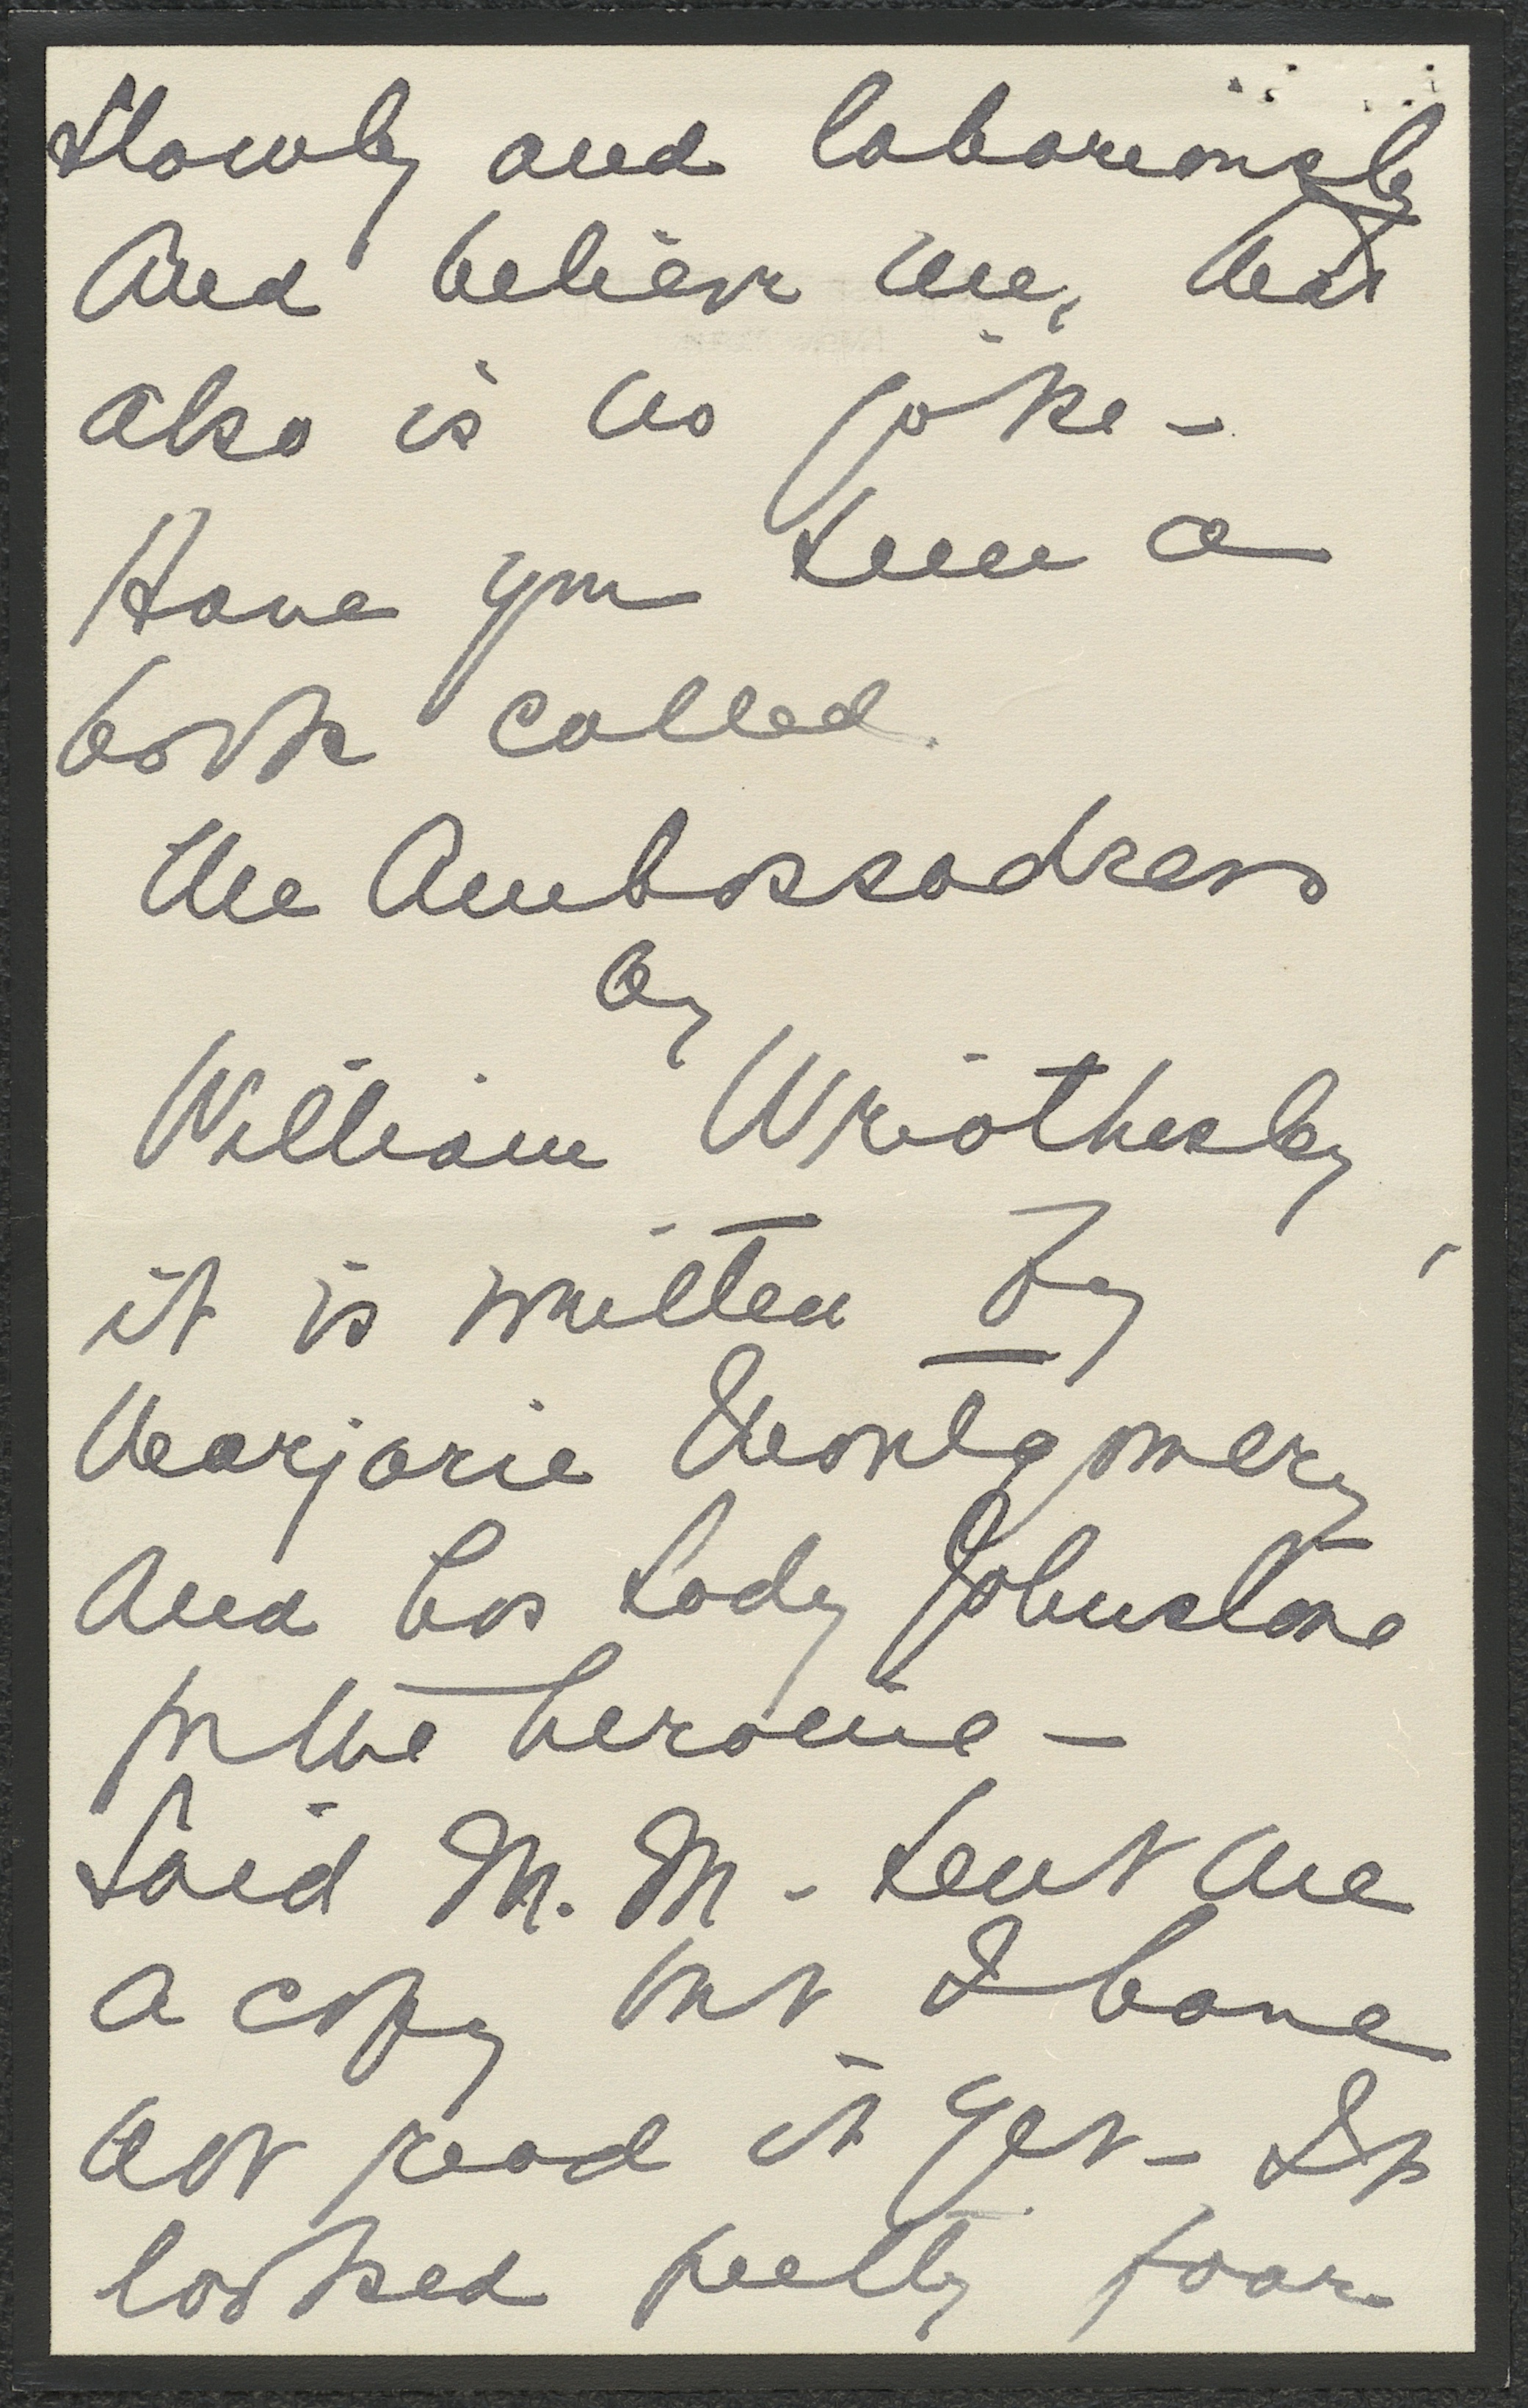slowly and laboriously and believe me, that also is no joke –
Have you seen a book called The Ambassadors by William Wriothesley, it is written by Marjorie Montgomery and has Lady Johnstone for the heroine –
Said M. M. sent me a copy but I have not read it yet – It looked pretty poor